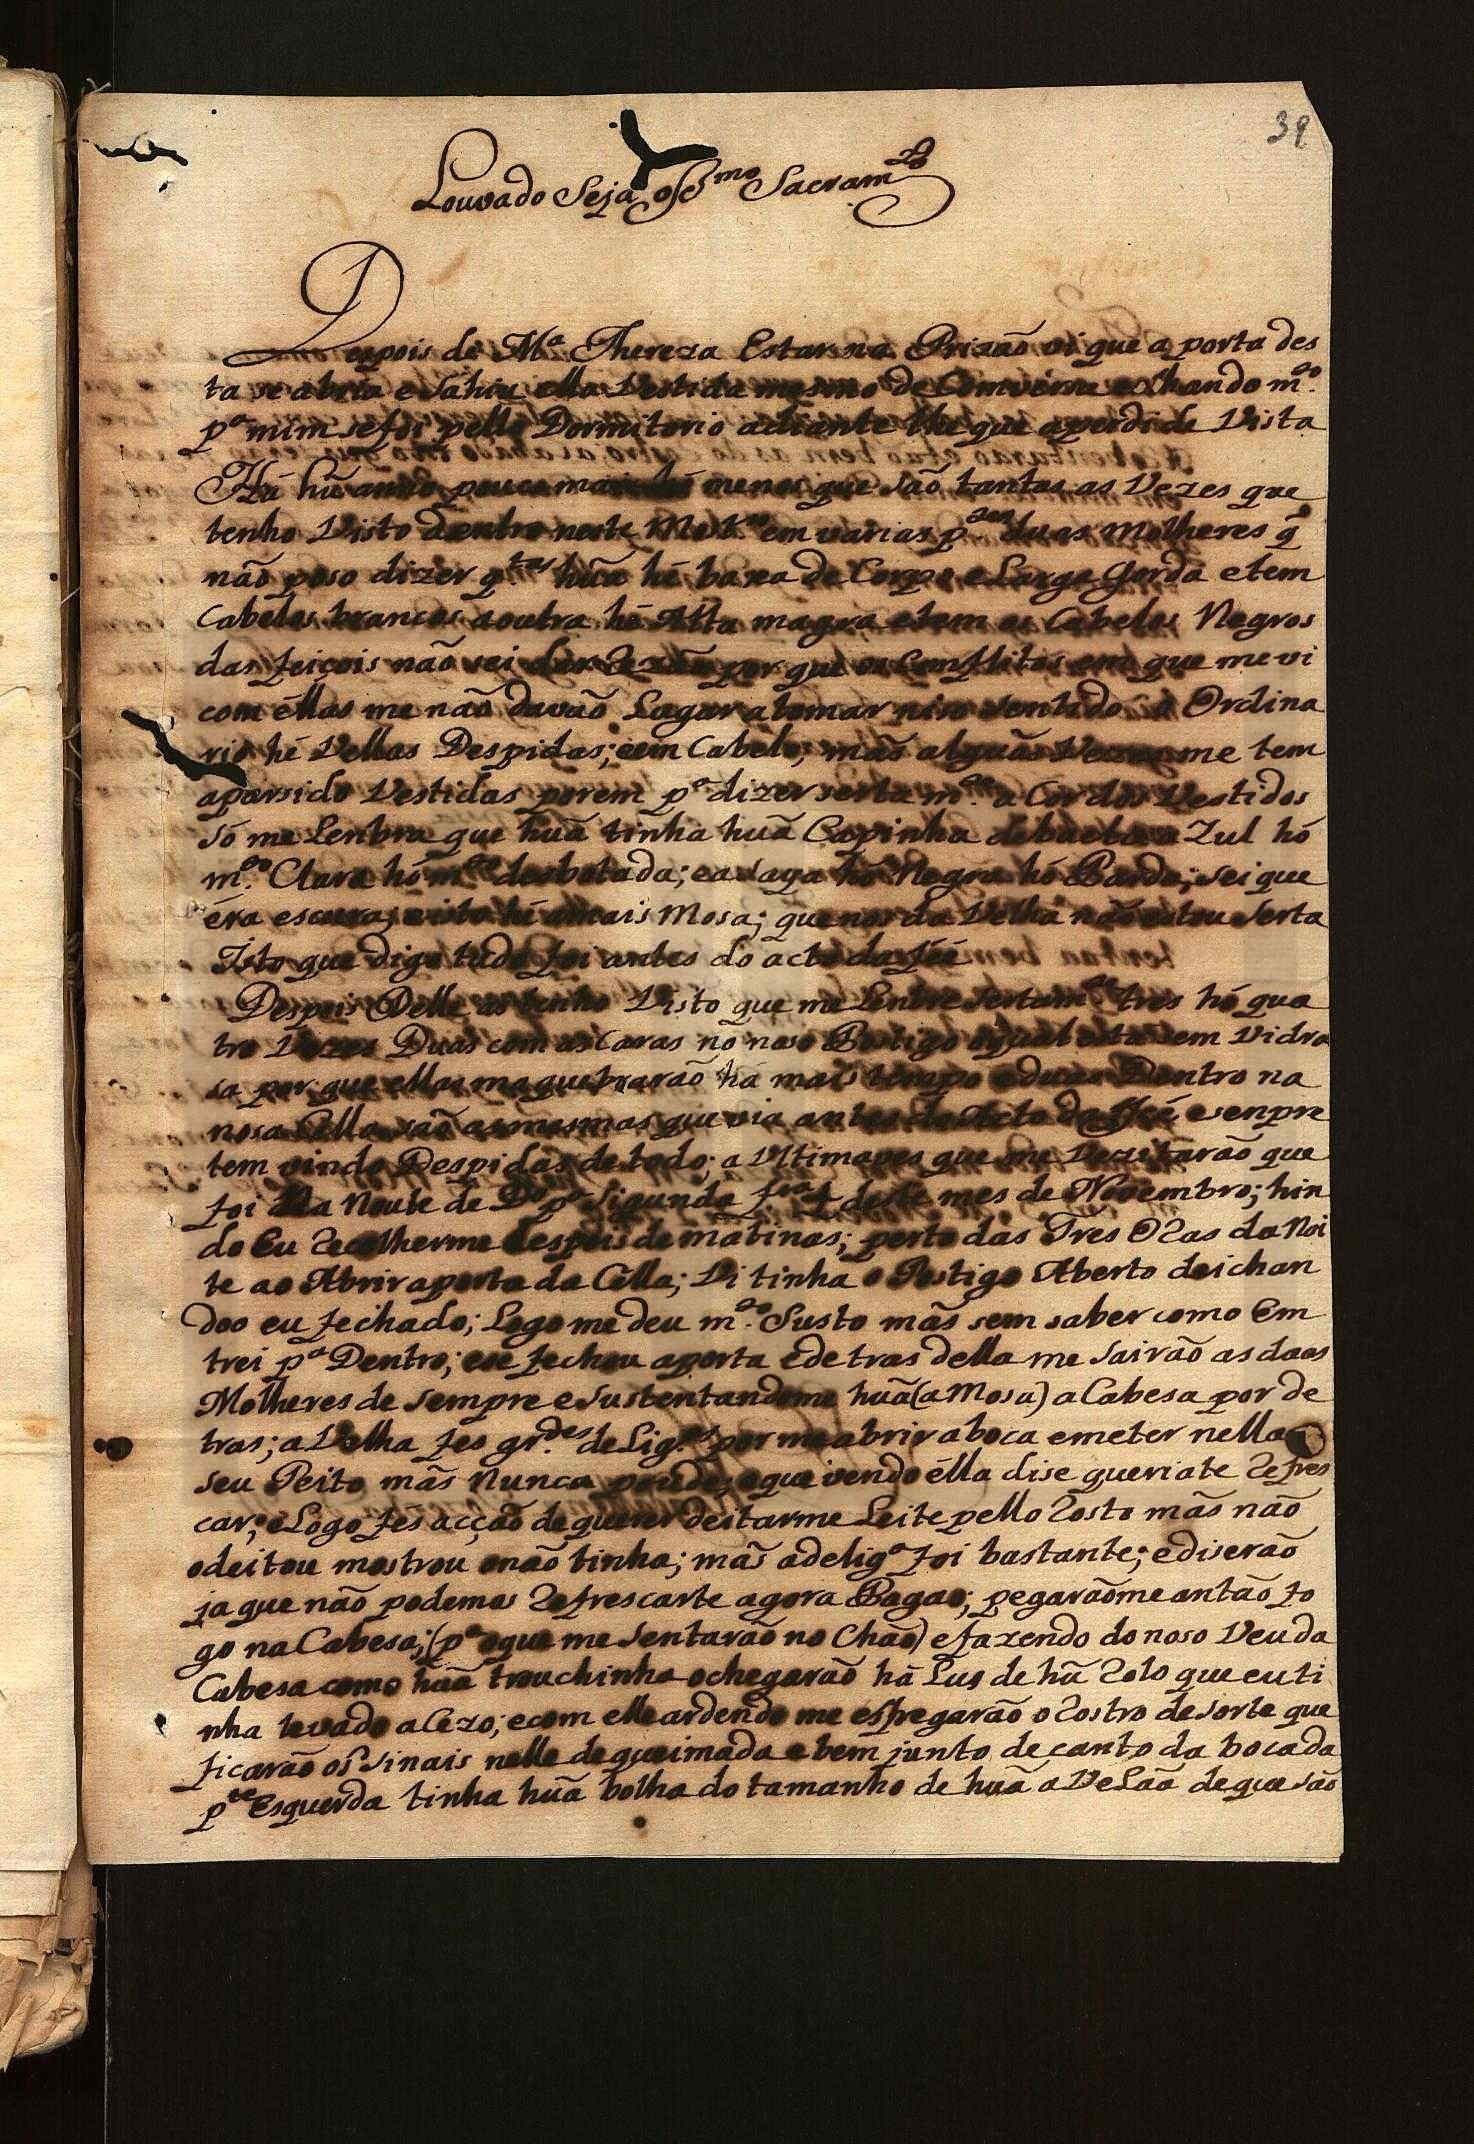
Louvado seja o Ssmo Sacramto
Despois de M.a Thereza Estar na Prizaõ vi que a porta des
ta se abria e sahia ella Vestida mesmo de Comve_ olhando m.to
pa mim se foi pello Dormitorio adiante the que a perdi de Vista
Há hū anno pouco mais hō menos que saõ tantas as Vezes que
tenho Visto dentro neste Most.ro em uarias p.tes duas mulheres q̄
não poso dizer q.tas hūa hé baxa de Corpo e Larga Gorda e tem
Cabelos brancos a outra hé Alta magra e tem os Cabelos Negros
das feiçois naõ sei dar Rezão porque os Comflitos em que me vi
com éllas me não davão Lugar a tomar niso sentido Ordina
rio hé Vellas Despidas; e em Cabelo; mãs algūas Vezes me tem
aparsido Vestidas porem pa dizer sertam.te aCordas Vestidos
Só me Lembra que huā tinha huā Capinha de baeta aZul hó
m.to Clara hó m.to desbotada; e a saya hó Negra hó Parda; sei que
éra escura, e isto hé a mais mosa; que nas da Velha naõ estou serta
Isto que digo tudo foi antes do acto da féé
Despois Delle as tenho Visto que me Lembre sertam.te tres hó qua
tro Vezes Duas com as Caras no noso Postigo a qual esta em vidra
sa porque ellas mo quebraraõ há mais tempo e duas dentro na
nosa Cella saõ as mesmas que via antes do Acto da feé, e sempre
tem vindo Despidas de todo; a Ultima ves que me Vezitaraõ que
foi Na Noute de D.o p.a sigunda f.ra 4 deste mes de Novembro; hin
do Eu Recolherme despois de matinas; perto das Tres ORas da Noi
te ao Abrir a porta da Cella; Vi tinha o Postigo Aberto deichan
doo eu fechado; Logo me deu m.to Susto mãs sem saber como Em
trei pa Dentro; e se fechou a porta e de tras della me sairaõ as duas
Molheres de sempre e sustentandome hūa (a Mosa) a Cabesa por de
tras; a Velha fes gr.des deLig.as por me abrir a boca e meter nella
seu Peito mãs nunca poude, o que vendo élla dise queria te Refres
car, e Logo fés acçaõ de querer deitarme Leite pello Rosto mãs naõ
o deitou mostrou o naõ tinha; mãs a deliga foi bastante; e disseraõ
ja que naõ podemos Refrescarte agora Pagas; pegaraõme antaõ fo
go na Cabesa; pa o que me sentaraõ no chaõ e fazendo do noso veu da
Cabesa como hūa trouchinha o chegaraõ há Lus de hū Rolo que eu ti
nha levado aCezo; e com elle ardendo me esfregarão o Rosto de sorte que
ficarão os sinais nelle de queimada e bem junto de canto da boca da
pte Esquerda tinha hūa bolha do tamanho de huā aVeLaã de que saõ
